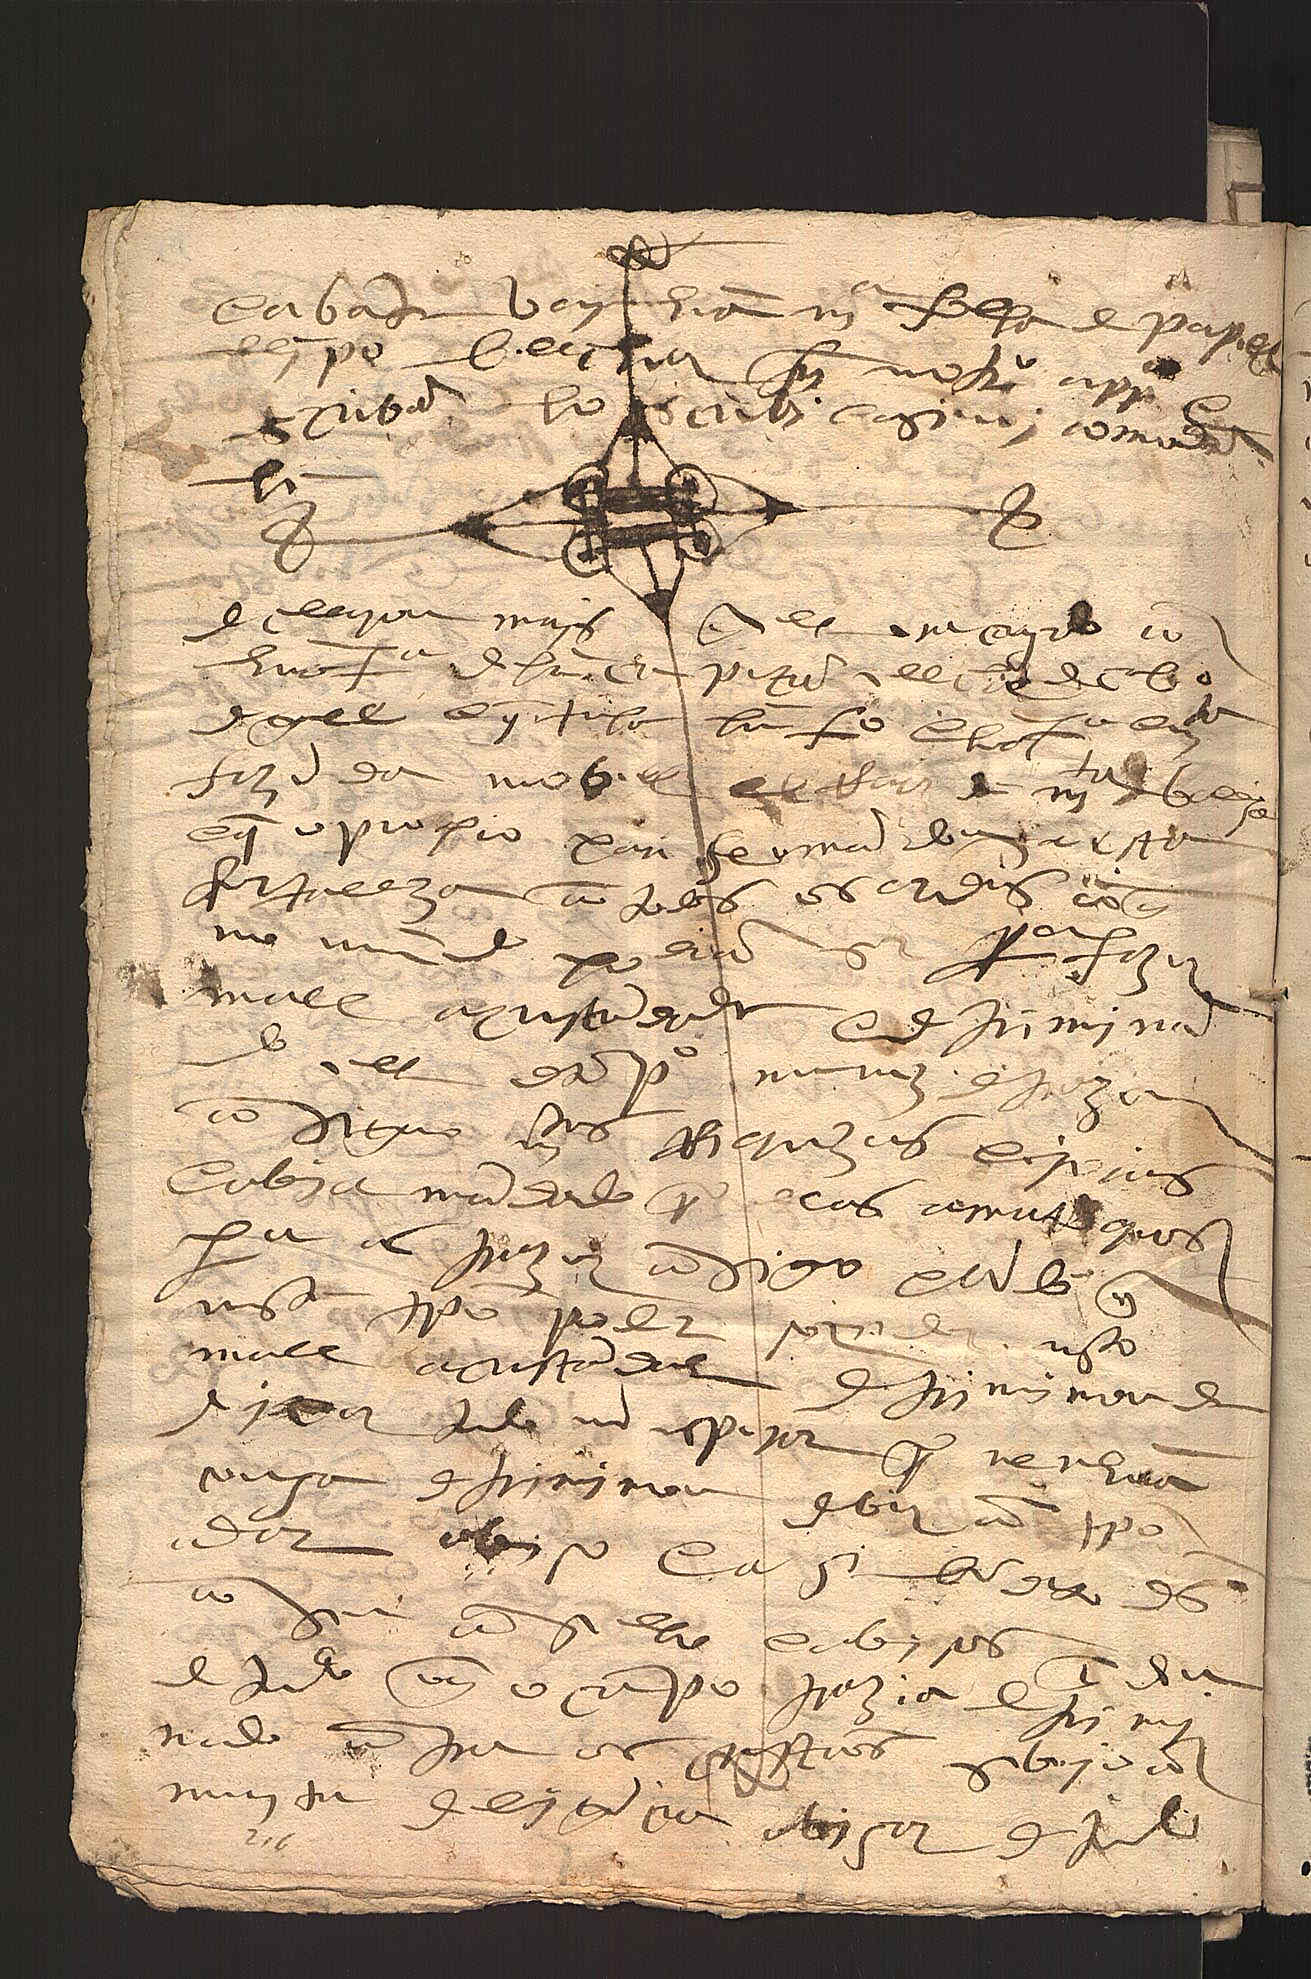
e avāte vaj huā ma folha de papell
llj̄po bellchior fr̄z notro appco e
escrivā ho escrevi e asinej como dtō
he
decllarou majs q̄ elle era caasdo cō
huā fa de hū capitaõ ellche de cabo
de guell e q̄ tinha hū fo e hua fa e mta
fazēda movell e de Raiz de mta vallja
e q̄ o propio xarife o mādou ha esta
fortalleza c̄o todos os ardis cō q̄
no mūdo podiaõ ser ꝑa fazer
mall a cristādade e detrimjnā
do elle dtō po nunez de trazer
cōsiguo mtas Riquezas e joias
e avia mādado p̄o ellas a maRoquos
ꝑa as trazer cōsigo e vēdo q̄
neste tpō poder soceder nisto
mall a cristādade detriminou de
dejxar todo nē esperar p̄o nenhuā
cousa detriminou de vir cō tpō
a dar aviso e asi bēdito ds̄
c̄o seu cōselho e avjsos q̄ deu
de tudo o q̄ o cāpo trazia detrimj
nado cōtra os cristaõs se vejo cō
mujta deljgēcia avisar de tudo
